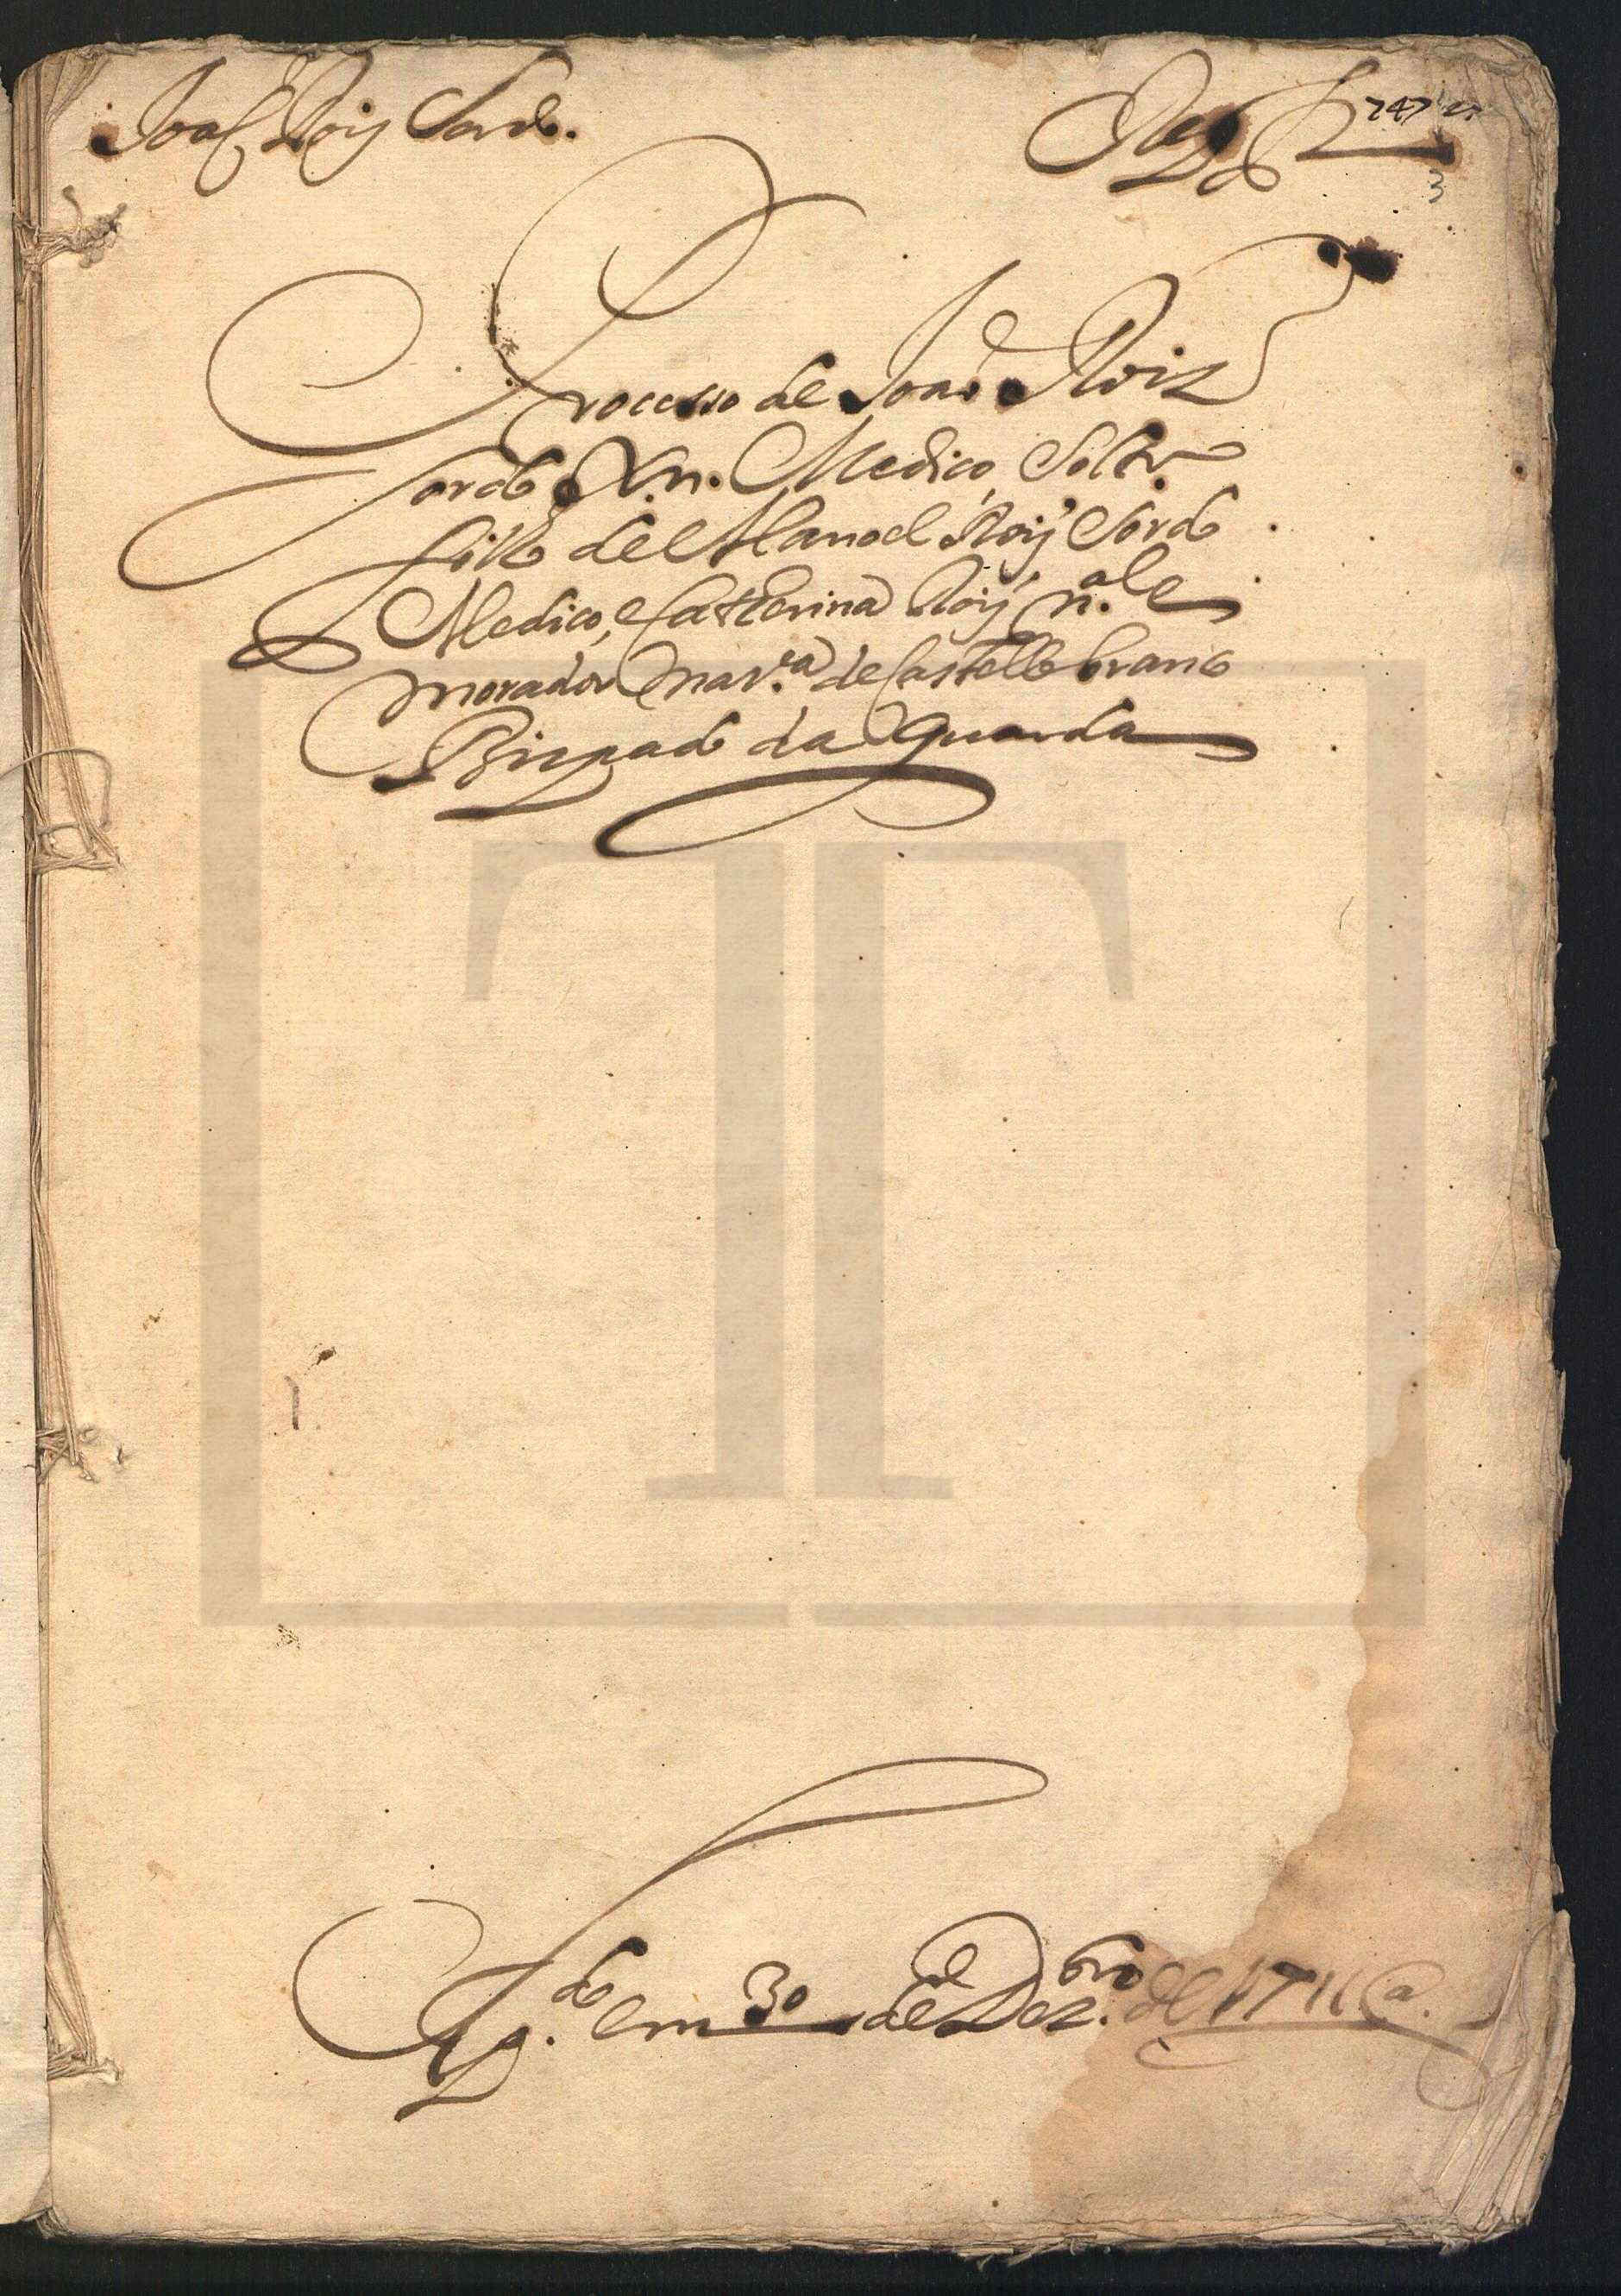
Ioaõ Rois Sordo.
Rep. fL 747 i vs
Processo de Ioaõ Roiz̄
Sordo X. n. Medico, Soltr.o
filho de Manoel Rois̄ Sordo
Medico, e Catherina Rois̄ n.al e
morador na v.a de Castello branco
Bispado da Guarda
Ap.do em 30 de Dez.bro de 1711 ā
